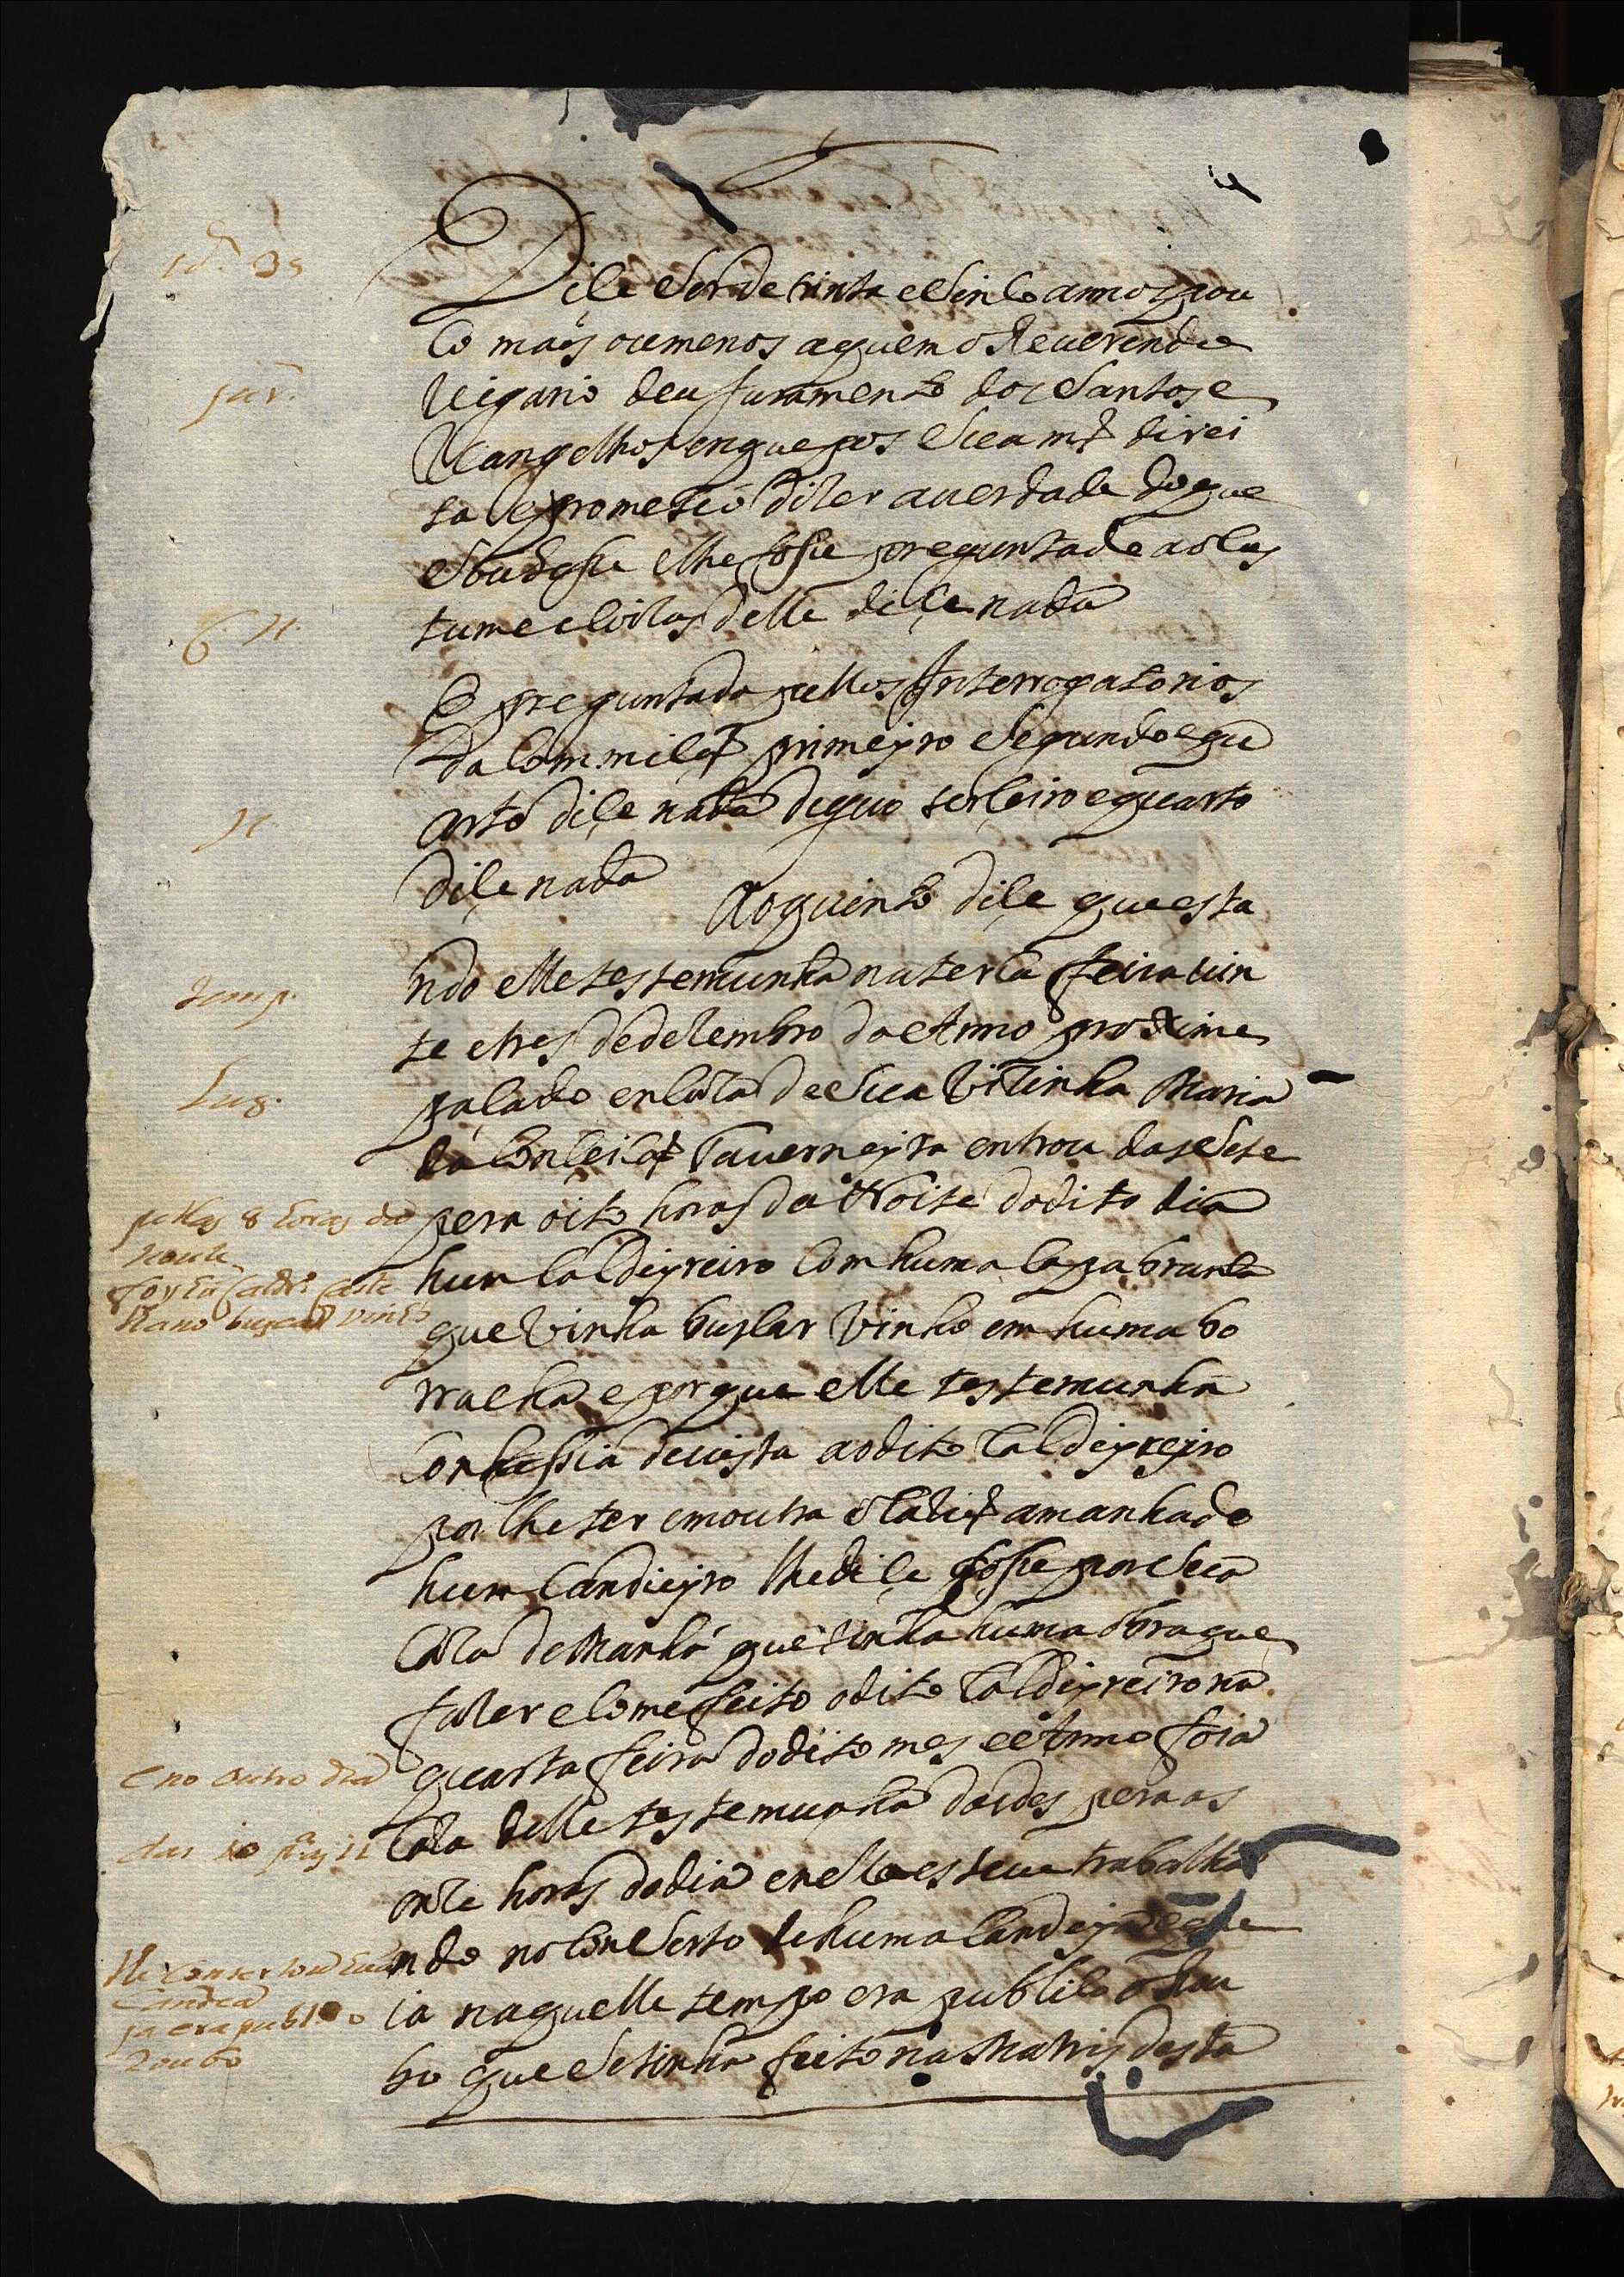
id.e 35
DiCe ser de trinta e sinco annos pou
co mais ou menos a quem o Reuerendo
vigario deu Juramento dos Santos e
jur.
Vangelhos en que pos sua maõ direi
ta e prometeo dizer a uerdade do que
Soubesse e lhe fosse preguntado ao Cus
tume e coizas delle dice nada
C. n.
E preguntada pellos Jnterrogatorios
da Commiçaõ primeyro Segundo e qu
arto dice nada diguo terceiro e quarto
n.
dice nada
Ao quinto dice que esta
ndo elle testemunha na terça feira uin
temp.
te e tres de dezembro do Anno proxime
paÇado en Caza de Sua vizinha Maria
Lug.
da ConCeiÇaõ Tauerneyra entrou das Sete
pellas 8 horas da
pera oito horas da Noite do dito dia
noute
foy há Caldro. Caste
hum Caldeyreiro Com huma Capa branca
lhano buscar vinho
que vinha buscar vinho em huma bo
rracha e porque elle testemunha
Conhessia de uista ao dito Caldeyrejro
por lhe ter em outra ocaziaõ amanhado
hum Candieyro lhe dice fosse por sua
Caza de manhã que tinha huma obra que
fazer e com efeito o dito Caldeyreiro na
quarta feira do dito mes e Anno foi a
e no outro dia
das i0 p.a as 11
Caza delle testemunha das des pera as
onze horas do dia e nella esteue trabalha
lhe consertou huā
ndo no conSerto de huma Candeya e que
Candea
ja era publ.o o
ia naquelle tempo era publico o Rou
Roubo
bo que Se tinha feito na Matris desta
